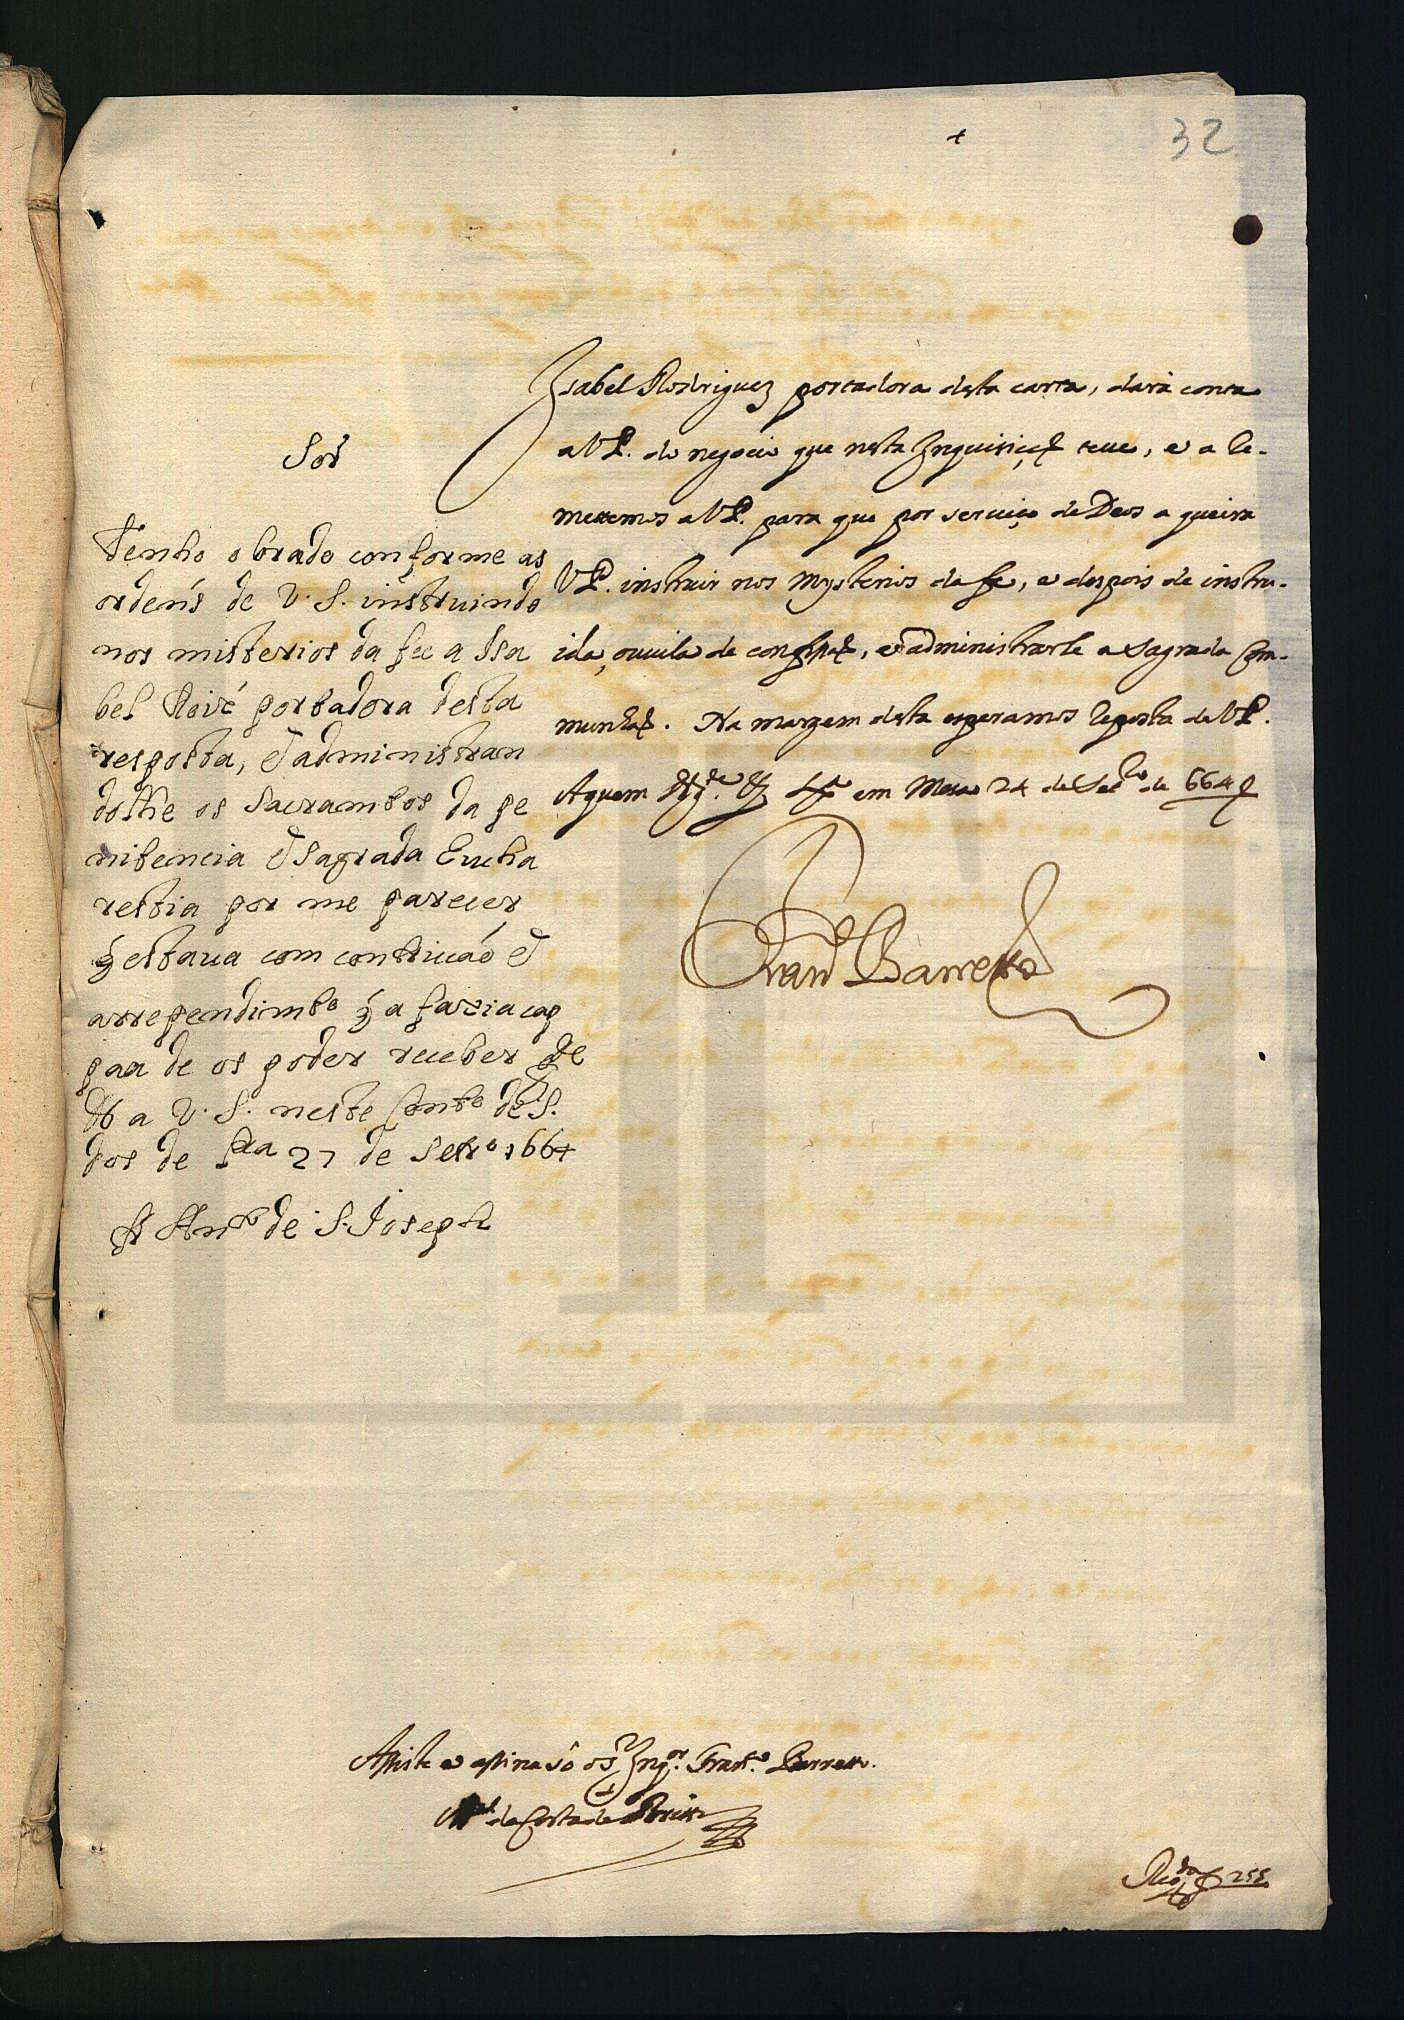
Jsabel Rodriguez portadora desta carta, darà conta
a V P. do negocio que nesta Jnquisiçaõ teue, e a Re
mettemos a V P. para que por seruiço de Deos a queira
V P. instruir nos mysterios da fe, e despois de instru
ida, ouuila de confissaõ, e administrarle a Sagrada Com
munhaõ. Na margem desta esperamos Reposta de V P.
A quem Ds̄ g.de &ꝭ Lxa em Mesa 24 de Setro de 664
Franco Barretto
Assiste e assina só o s.r Jnq.or Fran.co Barreto
Mel da Costa de Britto
Reg.da fL 255
Sor̄
Tenho obrado conforme as
ordens de V. S. instruindo
nos misterios da fee a Isa
bel Roiz̄ portadora desta
resposta, e administran
dolhe os Sacramtos da pe
nitencia e Sagrada Eucha
restia por me parecer
q̄ estaua com contricçaõ e
arrependimto q̄ a fazia cap
paz de os poder receber gde
Ds a V. S. neste Conto de S.
dos de Lxa 27 de setro 1664
fr. Anto de S. Ioseph
